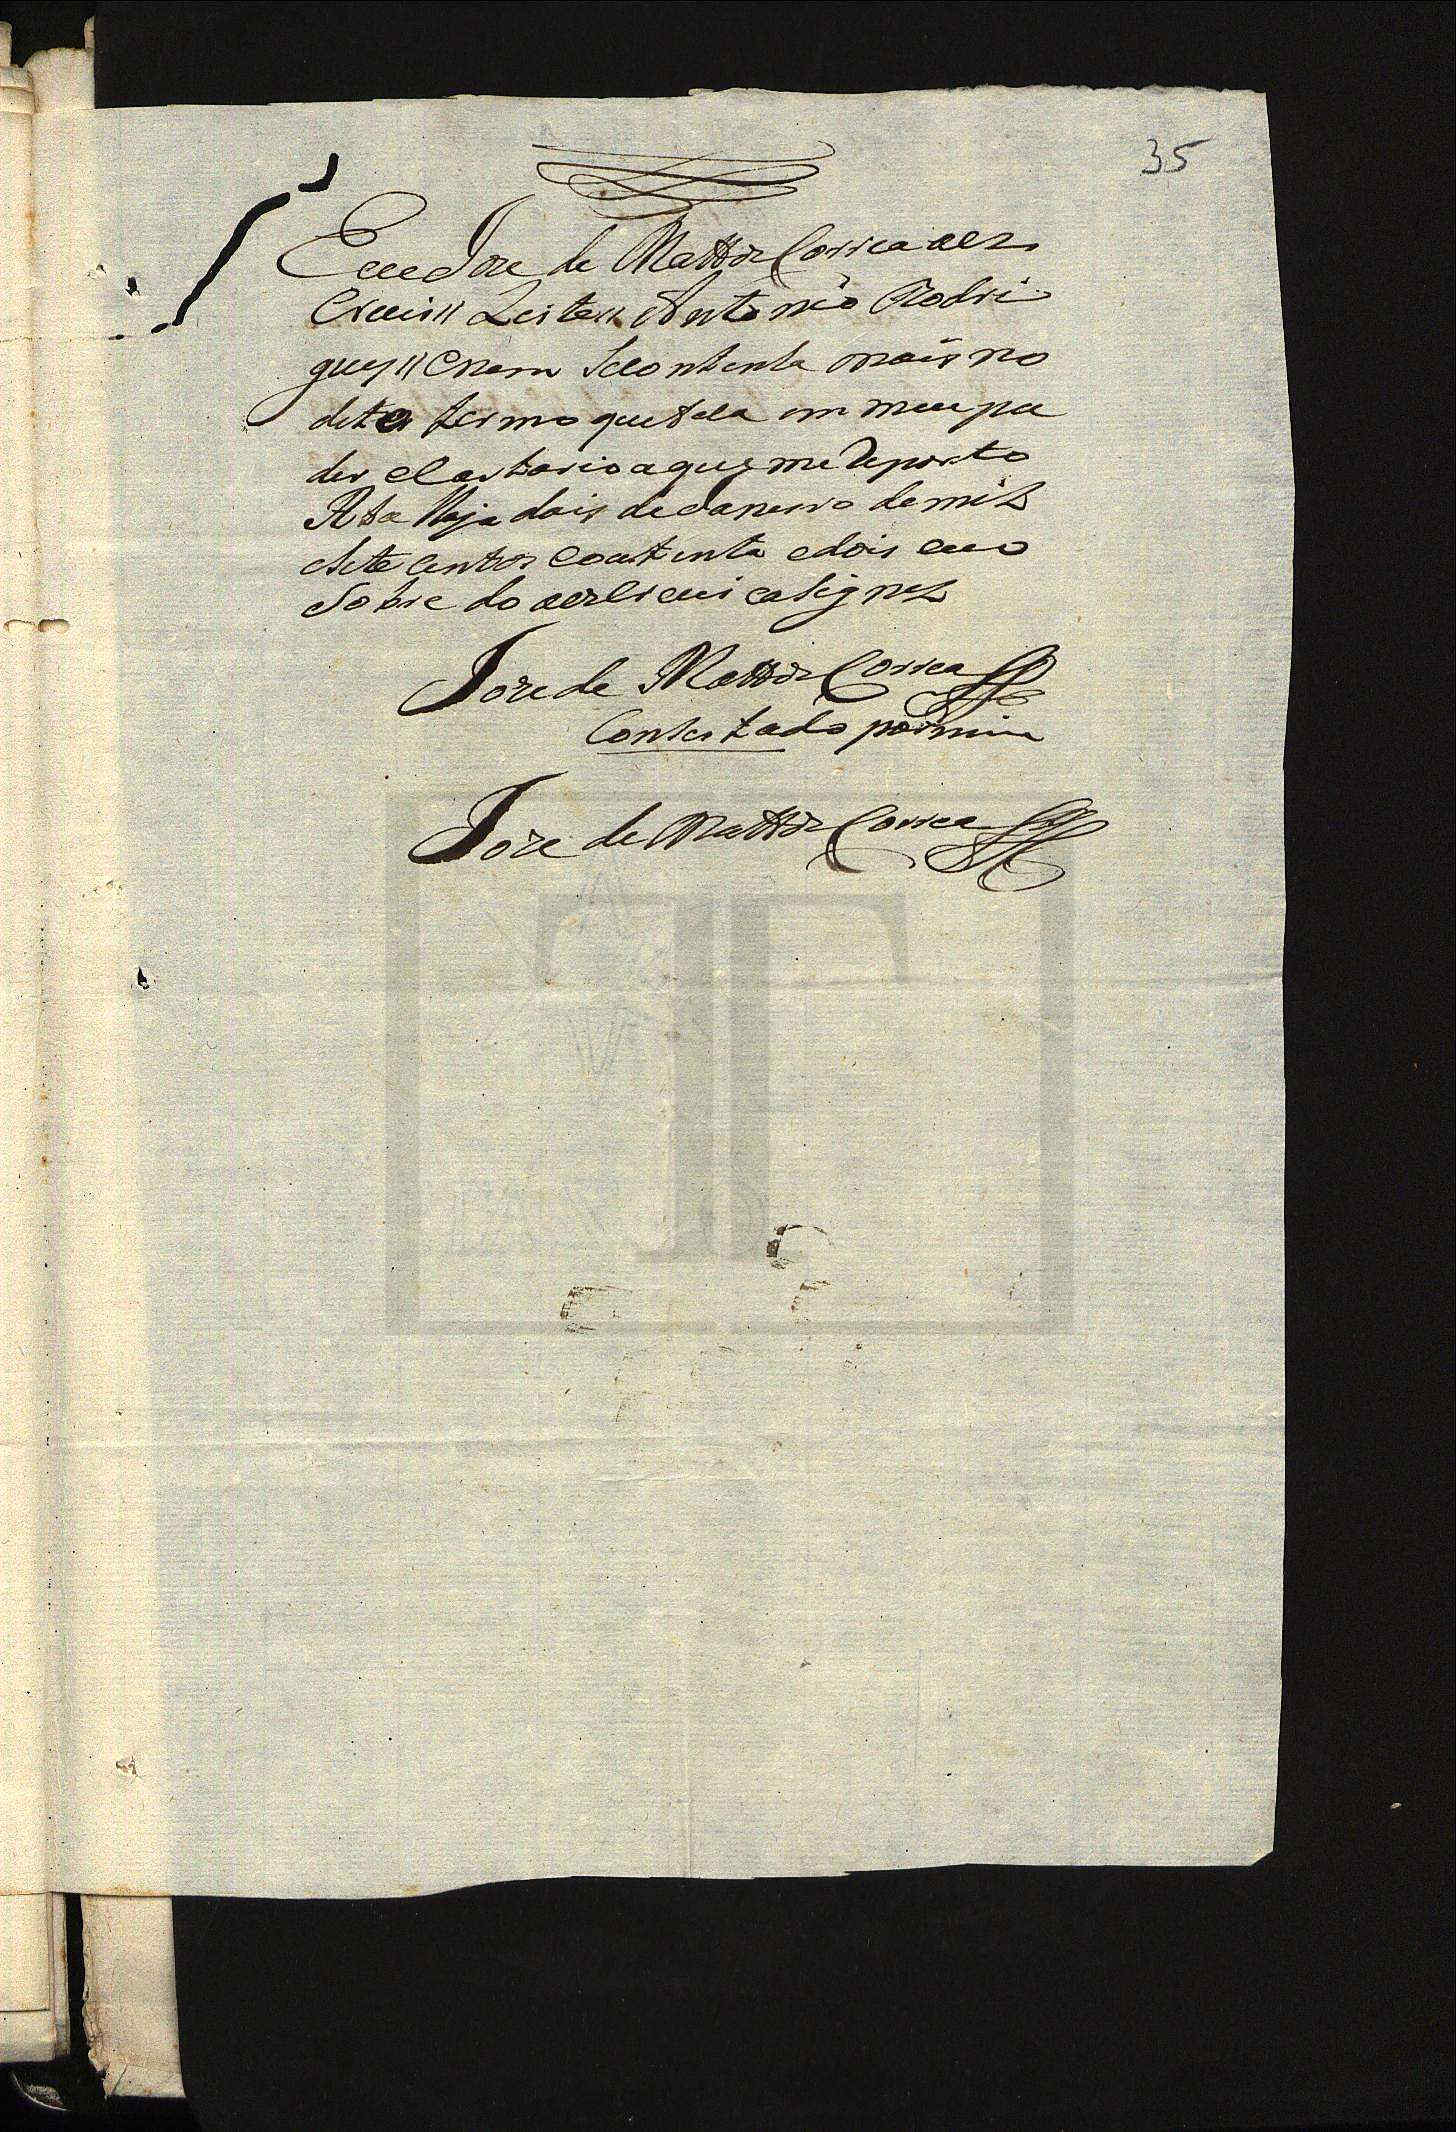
E eu Ioze de Mattoz Correa a ez
Creui// Leite// Antonio Rodri
gues// e nam se contenha o mais no
dito termo que feca em meu pu
der e cartorio a que me Reporto
Atallaja dois de Ianeiro de miL
e setecentos e outenta e dois e eu
sobredo a escreui e asignei
Ioze de Mattoz Correa
Consertado por mim
Ioze de Mattoz Correa
